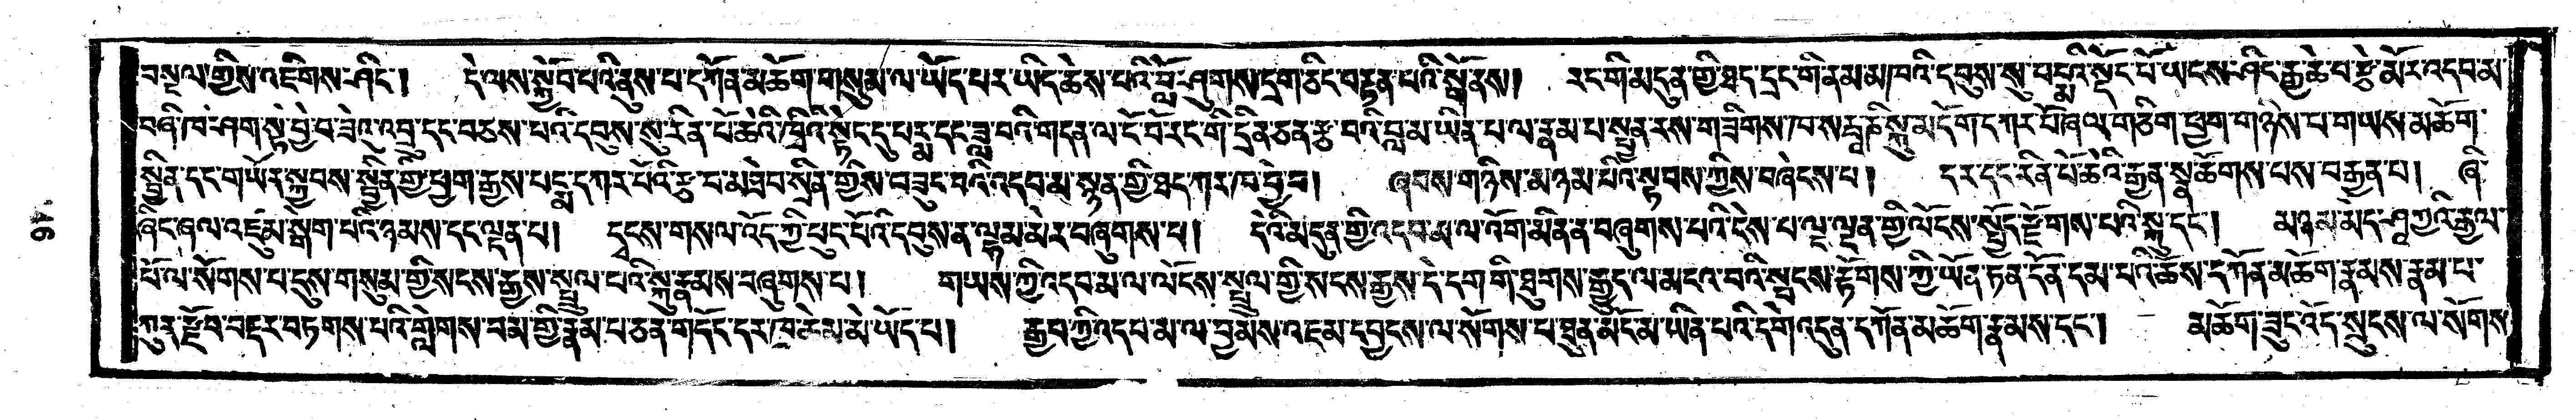བསྔལ་གྱིས་འཇིགས་ཤིང་། དེ་ལས་སྐྱོབ་པའི་ནུས་པ་དཀོན་མཆོག་གསུམ་ལ་ཡོད་པར་ཡིད་ཆེས་པའི་བློ་ཤུགས་དྲག་ཅིང་བརྟན་པའི་སྒོ་ནས། རང་གི་མདུན་གྱི་ཐད་དྲང་གི་ནམ་མཁའི་དབུས་སུ་པདམའི་སྡོང་པོ་ཡངས་ཤིང་རྒྱ་ཆེ་བ་རྩེ་མོར་འདབ་མ་
བཞི་ཁ་ཤག་སྟེ་བྱེ་བ་ཟེའུ་འབྲུ་དང་བཅས་པའི་དབུས་སུ་རིན་པོ་ཆེའི་ཁྲིའི་སྟེང་དུ་པདམ་དང་ཟླ་བའི་གདན་ལ་ངོ་བོ་རང་གི་དྲིན་ཅན་རྩ་བའི་བླ་མ་ཡིན་པ་ལ་རྣམ་པ་སྤྱན་རས་གཟིགས་ཁ་སརྦཱ་ཎི་སྐུ་མདོག་དཀར་པོ་ཞལ་གཅིག་ཕྱག་གཉིས་པ་གཡས་མཆོག་
སྦྱིན་དང་གཡོར་སྐྱབས་སྦྱིན་གྱི་ཕྱག་རྒྱས་པདམ་དཀར་པོའི་རྩ་བ་མཐེབ་སྲིན་གྱིས་བཟུང་བའི་འདབ་མ་སྙན་གྱི་ཐད་ཀར་ཁ་བྱེ་བ། ཞབས་གཉིས་མཉམ་པའི་སྟབས་ཀྱིས་བཞེངས་པ། དར་དང་རིན་པོ་ཆེའི་རྒྱན་སྣ་ཚོགས་པས་བརྒྱན་པ། ཞི་
ཞིང་ཞལ་འཛུམ་སྒེག་པའི་ཉམས་དང་ལྡན་པ། དྭངས་གསལ་འོད་ཀྱི་ཕུང་པོའི་དབུས་ན་ལྷམ་མེར་བཞུགས་པ། དེའི་མདུན་གྱི་འདབ་མ་ལ་འོག་མིན་ན་བཞུགས་པའི་ངེས་པ་ལྔ་ལྡན་གྱི་ལོངས་སྤྱོད་རྫོགས་པའི་སྐུ་དང་། མཉམ་མེད་ཤཱཀྱའི་རྒྱལ་
པོ་ལ་སོགས་པ་དུས་གསུམ་གྱི་སངས་རྒྱས་སྤྲུལ་པའི་སྐུ་རྣམས་བཞུགས་པ། གཡས་ཀྱི་འདབ་མ་ལ་ལོངས་སྤྲུལ་གྱི་སངས་རྒྱས་དེ་དག་གི་ཐུགས་རྒྱུད་ལ་མངའ་བའི་སྤངས་རྟོགས་ཀྱི་ཡོན་ཏན་དོན་དམ་པའི་ཆོས་དཀོན་མཆོག་རྣམས་རྣམ་པ་
ཀུན་རྫོབ་བརྡར་བཏགས་པའི་གླེགས་བམ་གྱི་རྣམ་པ་ཅན་གདོང་དར་ཁྲ་ཆེམ་མེ་ཡོད་པ། རྒྱབ་ཀྱི་འདབ་མ་ལ་བྱམས་འཇམ་དབྱངས་ལ་སོགས་པ་ཐུན་མོང་མ་ཡིན་པའི་དགེ་འདུན་དཀོན་མཆོག་རྣམས་དང་། མཆོག་ཟུང་འོད་སྲུངས་ལ་སོགས་